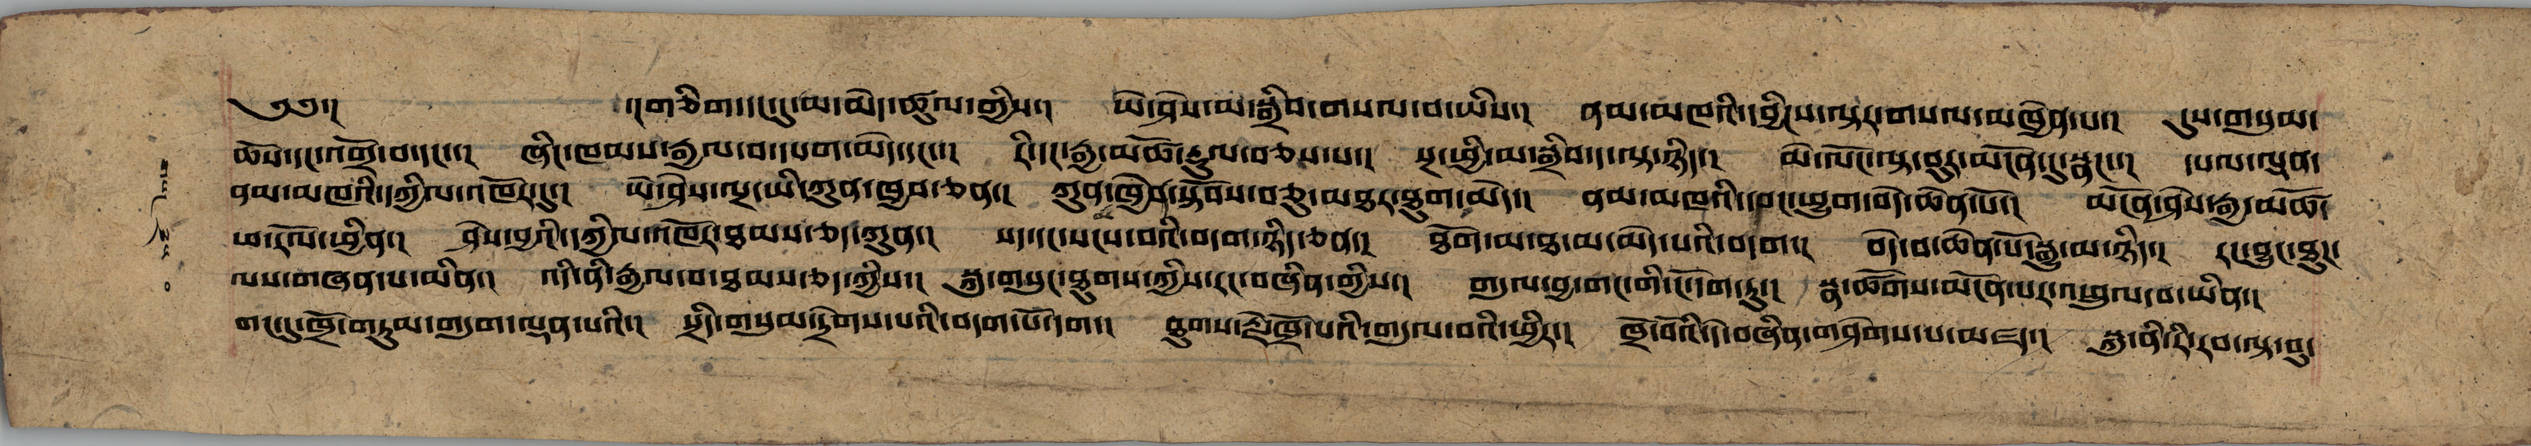༄༅་། ་།གཅིག་དང་དུ་མ་མེད་ཚུལ་གྱིས་། ཡེ་ཤེས་མ་སྒྲིབ་གསལ་བ་ཡིས་། ནམ་མཁའི་དབྱིངས་ལྟར་གསལ་མཁྱེན་པ་། དུས་གསུམ་
ཆོས་དང་འགྲོ་བ་དང་་། ཞིང་ཁམས་རྒྱལ་བ་དཔག་མེད་དང་་། རི་དང་རྒྱ་མཚོ་རྡུལ་བཅས་པ་། སྔ་ཕྱི་མ་སྒྲིབ་ད་ལྟ་ཉིད་། མེ་ལོང་ལྟ་བུར་མངོན་དུ་སྣང་་། དཔལ་ལྡན་
ནམ་མཁའི་དཀྱིལ་འཁོར་དུ་། ཡེ་ཤེས་ལྔ་ཡི་ཀུན་ཁྱབ་ཅན་། ཀུན་མཁྱེན་སྟོབས་བཅུ་མཐར་ཐུག་མེད་། ནམ་མཁའི་དབང་ཕྱུག་བདེ་ཆེན་པོ་། མངོན་ཤེས་རྒྱ་མཚོ་
ཕ་རོལ་ཕྱིན་། ཤེས་བྱའི་དཀྱིལ་འཁོར་ཐམས་ཅད་ཀུན་། སད་དང་སངས་བའི་བདག་ཉིད་ཅན་། ཐོག་མ་ཐ་མ་མེད་པའི་བདག་། བདེ་བ་ཆེན་པོ་སྒྱུ་མ་ཉིད་། རང་བྱུང་ཐུཌ
ལས་གཞན་པ་མིན་། འདི་ནི་རྒྱལ་བ་ཐབས་ཅད་ཀྱིས་། སྐུ་གསུང་ཐུགས་ཀྱིས་རང་བཞིན་གྱིས་། གདུལ་བྱ་གང་གི་ངོ་དག་ཏུ་། སྣ་ཚོགས་མངོན་པར་འཕྲུལ་བ་ཡིན་།
གང་དུ་ཁྲོ་གཏུམ་གདུག་ལྡན་པའི་། སྲིད་གསུམ་དྲེགས་པའི་བདག་པོ་དག་། ཐུགས་རྗེ་ཁྲོ་པའི་གདུལ་བའི་ཕྱིར་། ཁྲོ་བོའི་དེ་བཞིན་གཤེགས་པ་མཛད་། སྐུ་ནི་རི་རབ་ལྟ་བུ་